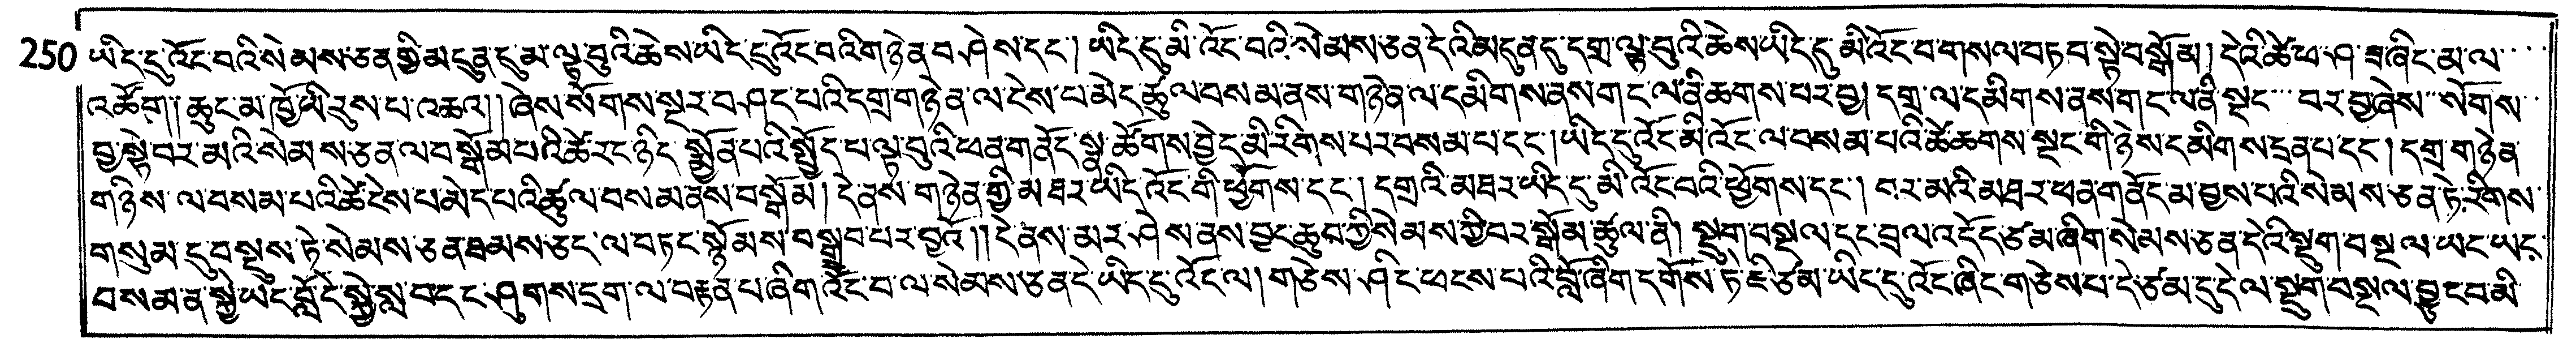ཡིད་དུ་འོང་བའི་སེམས་ཅན་གྱི་མདུན་དུ་མ་ལྟ་བུའི་ཆེས་ཡིད་དུ་འོང་བའི་གཉེན་བཤེས་དང་། ཡིད་དུ་མི་འོང་བའི་སེམས་ཅན་དེའི་མདུན་དུ་དགྲ་ལྟ་བུའི་ཆེས་ཡིད་དུ་མི་འོང་བ་གསལ་བཏབ་སྟེ་བསྒོམ། དེའི་ཚེ་ཕ་ཤ་ཟ་ཞིང་མ་ལ་
འཚོག༑ ཆུང་མ་ཁྱོ་ཡི་རུས་པ་འཆའ། །ཞེས་སོགས་སྔར་བཤད་པའི་དགྲ་གཉེན་ལ་ངེས་པ་མེད་ཚུལ་བསམ་ནས་གཉེན་ལ་དམིགས་ནས་གང་ལ་ནི་ཆགས་པར་བྱ། དགྲ་ལ་དམིགས་ནས་གང་ལ་ནི་སྡང་བར་བྱ་ཞེས་སོགས་
བྱ་སྟེ་བར་མའི་སེམས་ཅན་ལ་བསྒོམ་པའི་ཚེ་རང་ཉིད་སྨྱོན་པའི་སྤྱོད་པ་ལྟ་བུའི་ཕན་གནོད་སྣ་ཚོགས་བྱེད་མི་རིགས་པར་བསམ་པ་དང་། ཡིད་དུ་འོང་མི་འོང་ལ་བསམ་པའི་ཚེ་ཆགས་སྡང་གི་ཉེས་དམིགས་དྲན་པ་དང་། དགྲ་གཉེན་
གཉིས་ལ་བསམ་པའི་ཚེ་ངེས་པ་མེད་པའི་ཚུལ་བསམ་ནས་བསྒོམ། དེ་ནས་གཉེན་གྱི་མཐར་ཡིད་འོང་གི་ཕྱོགས་དང་། དགྲའི་མཐར་ཡིད་དུ་མི་འོང་བའི་ཕྱོགས་དང་། བར་མའི་མཐར་ཕན་གནོད་མ་བྱས་པའི་སེམས་ཅན་ཏེ་རིགས་
གསུམ་དུ་བསྡུས་ཏེ་སེམས་ཅན་ཐམས་ཅད་ལ་བཏང་སྙོམས་བསྒྲུབ་པར་བྱའོ། །དེ་ནས་མར་ཤེས་ནས་བྱང་ཆུབ་ཀྱི་སེམས་ཀྱི་བར་སྒོམ་ཚུལ་ནི། སྡུག་བསྔལ་དང་བྲལ་འདོད་ཙམ་ཞིག་སེམས་ཅན་དེའི་སྡུག་བསྔལ་ཡང་ཡང་
བསམ་ན་སྐྱེ་ཡང་བློ་དེ་སྐྱེ་སླ་བ་དང་ཤུགས་དྲག་ལ་བརྟན་པ་ཞིག་འོང་བ་ལ་སེམས་ཅན་དེ་ཡིད་དུ་འོང་ལ། གཅེས་ཤིང་ཕངས་པའི་བློ་ཞིག་དགོས་ཏེ་ཇི་ཙམ་ཡིད་དུ་འོང་ཞིང་གཅེས་པ་དེ་ཙམ་དུ་དེ་ལ་སྡུག་བསྔལ་བྱུང་བ་མི་